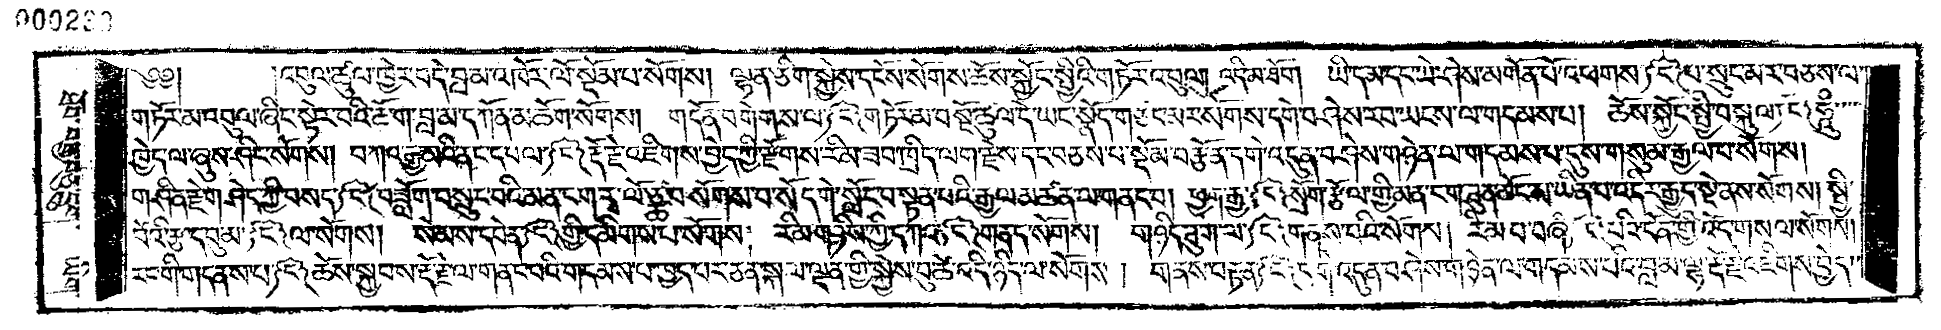༄༅། །འབུལ་ཚུལ་ཁྱེར་བདེ་བླ་མ་འཁོར་ལོ་སྡོམ་པ་སོགས། ལྷན་ཅིག་སྐྱེས་དངོས་སོགས་ཆོས་སྐྱོང་སྤྱིའི་གཏོར་འབུལ་འདི་མ་ཐོབ།  ཡི་དམ་དང་ཡེ་ཤེས་མགོན་པོ་འཕགས ༼ང༽ པ་སྲུང་མར་བཅས་ལ་
གཏོར་མ་འབུལ་ཞིང་སྟེར་བའི་ཆོ་ག་བླ་མ་དཀོན་མཆོག་སོགས། གདོན་བགེགས་ལ ༼ང༽ གཏོར་མ་བསྔོ་ཚུལ་དེ་ཡང་སྣོད་གཙང་མར་སོགས་དགེ་བཤེས་རབ་ཡངས་ལ་གདམས་པ། ཆོས་སྐྱོང་སྤྱི་བསྐུལ ༼ང༽ ཧཱུཾ་
ཁྱེད་ལ་ཞུས་ཤིང་སོགས། བཀའ་རྒྱ་མའི་ནང་དཔལ ༼ང༽ རྡོ་རྗེ་འཇིགས་བྱེད་ཀྱི་རྫོགས་རིམ་ཟབ་ཁྲིད་ལག་རྗེས་དང་བཅས་པ་སྡོམ་བརྩོན་དགེ་འདུན་བཤེས་གཉེན་ལ་གདམས་པ་དུས་གསུམ་རྒྱལ་བ་སོགས།
གཤིན་རྗེ་གཤེད་ཀྱི་བསད ༼ང༽ བཟློག་བསྲུང་བའི་མན་ངག་རྭ་ལོ་ཙྪ་བ་སོགས་བ་སོ་དགེ་སློང་བསྟན་པའི་རྒྱལ་མཚན་ལ་གནང་བ། ཕྱག་རྒྱ ༼ང༽ སྲོག་རྩོལ་གྱི་མན་ངག་ཐུན་མོང་མ་ཡིན་པ་འདིར་རྒྱུད་སྡེ་ནས་སོགས། སྤྱི་
བོའི་རྩ་དབུ་མ ༼ང༽ ལ་སོགས། སེམས་དབེན ༼ང༽ གྱི་དམིགས་པ་སོགས། རིམ་གཉིས་ཀྱི་དཀའ ༼ང༽ གནད་སོགས། གཉིད་ཐུག་ལ ༼ང༽ གནས་པའི་སོགས། རིམ་བ་བཞི ༼ང༽ པའི་དོན་གྱི་འོད་གསལ་སོགས།
རང་གི་གདན་པ ༼ང༽ ཆོས་སྐྱབས་རྡོ་རྗེ་ལ་གནང་བའི་གདམས་པ་ཁྱད་པར་ཅན་སྐལ་ལྡན་གྱི་སྐྱེས་བུ་ཚེ་འདི་ཉིད་ལ་སོགས། གནས་བརྟན ༼ང༽ དགེ་འདུན་བཤེས་གཉེན་ལ་གདམས་པའི་བླ་མ་ལྷ་རྡོ་རྗེ་འཇིགས་བྱེད་